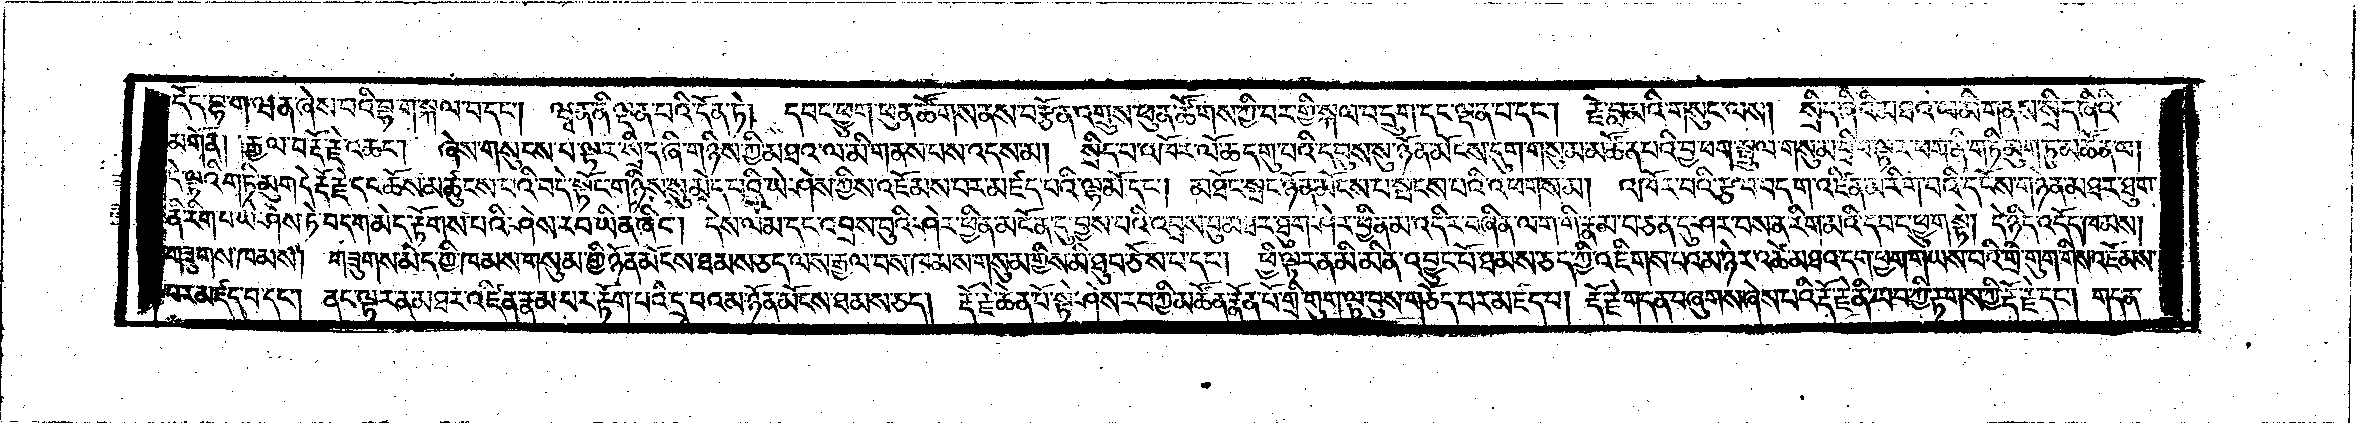དོད་བྷ་ག་ཝན་ཞེས་པའི་བྷ་ག་སྐལ་པ་དང་། ཝཱ་ན་ནི་ལྡན་པའི་དོན་ཏེ། དབང་ཕྱུག་ཕུན་ཚོགས་ནས་བརྩོན་འགྲུས་ཕུན་ཚོགས་ཀྱི་བར་གྱི་སྐལ་བ་དྲུག་དང་ལྡན་པ་དང་། རྗེ་བླ་མའི་གསུང་ལས། སྲིད་ཞིའི་མཐའ་ལ་མི་གནས་སྲིད་ཞིའི་
མགོན། །རྒྱལ་བ་རྡོ་རྗེ་འཆང་། ཞེས་གསུངས་པ་ལྟར་སྲིད་ཞི་གཉིས་ཀྱི་མཐའ་ལ་མི་གནས་པས་འདས་མ། སྲིད་པ་འཁོར་ལོ་ཆ་དགུ་པའི་དབུས་སུ་ཉོན་མོངས་དུག་གསུམ་མཚོན་པའི་བྱ་ཕག་སྦྲུལ་གསུམ་བྲི་བ་ལྟར་ཕག་ནི་གཏི་མུག་ཏུ་མཚོན་ལ།
དེ་ལྟའི་གཏི་མུག་དེ་རྡོ་རྗེ་དང་ཆོས་མཚུངས་པའི་བདེ་སྟོང་གཉིས་སུ་མེད་པའི་ཡེ་ཤེས་ཀྱིས་འཇོམས་པར་མཛད་པའི་ལྷ་མོ་དང་། མཐོང་སྤང་ཉོན་མོངས་པ་སྤངས་པའི་འཕགས་མ། འཁོར་བའི་རྩ་བ་བདག་འཛིན་མ་རིག་པའི་དངོས་གཉེན་མཐར་ཐུག་
ནི་རིག་པ་ཡེ་ཤེས་ཏེ་བདག་མེད་རྟོགས་པའི་ཤེས་རབ་ཡིན་ཞིང་། དེས་ལམ་དང་འབྲས་བུའི་ཤེར་ཕྱིན་མངོན་དུ་བྱས་པའི་འབྲས་བུ་མཐར་ཐུག་ཤེར་ཕྱིན་མ་འདིར་བཞིན་ལག་གི་རྣམ་པ་ཅན་དུ་ཤར་བས་ན་རིག་མའི་དབང་ཕྱུག་སྟེ། དེ་ཉིད་འདོད་ཁམས།
གཟུགས་ཁམས། གཟུགས་མེད་ཀྱི་ཁམས་གསུམ་གྱི་ཉོན་མོངས་ཐམས་ཅད་ལས་རྒྱལ་བས་ཁམས་གསུམ་གྱིས་མི་ཐུབ་ཅེས་པ་དང་། ཕྱི་ལྟར་ན་མི་མིན་འབྱུང་པོ་ཐམས་ཅད་ཀྱི་འཇིགས་པའམ་ཉེར་འཚེ་མཐའ་དག་ཕྱག་གཡས་པའི་གྲི་གུག་གིས་འཇོམས་
པར་མཛད་པ་དང་། ནང་ལྟར་ན་མཐར་འཛིན་རྣམ་པར་རྟོག་པའི་དྲ་བའམ་ཉོན་མོངས་ཐམས་ཅད། རྡོ་རྗེ་ཆེན་པོ་སྟེ་ཤེས་རབ་ཀྱི་མཚོན་རྣོན་པོ་གྲི་གུག་ལྟ་བུས་གཅོད་པར་མཛད་པ། རྡོ་རྗེ་གདན་བཞུགས་ཞེས་པའི་རྡོ་རྗེ་ནི་ཡབ་ཀྱི་རྟགས་ཀྱི་རྡོ་རྗེ་དང་། གདན་